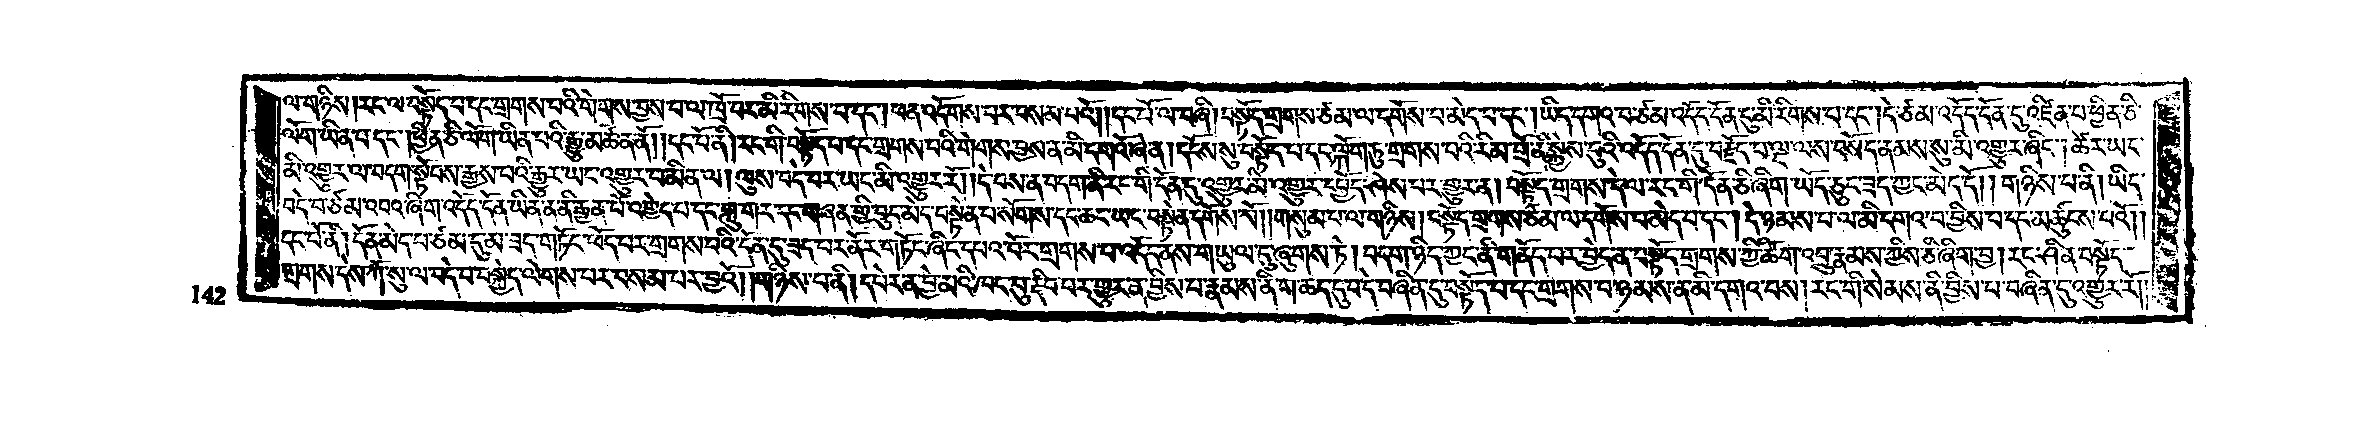ལ་གཉིས། རང་ལ་བསྟོད་པ་དང་གྲགས་པའི་གེགས་བྱས་པ་ལ་ཁྲོ་བར་མི་རིགས་པ་དང་། ཕན་འདོགས་པར་བསམ་པའོ། །དང་པོ་ལ་བཞི། བསྟོད་གྲགས་ཙམ་ལ་དགོས་པ་མེད་པ་དང་། ཡིད་དགའ་བ་ཙམ་འདོད་དོན་དུ་མི་རིགས་པ་དང་། དེ་ཙམ་འདོད་དོན་དུ་འཛིན་པ་ཕྱིན་ཅི་
ལོག་ཡིན་པ་དང་། ཕྱིན་ཅི་ལོག་ཡིན་པའི་རྒྱུ་མཚན་ནོ། །དང་པོ་ནི། རང་གི་བསྟོད་པ་དང་གྲགས་པའི་གེགས་བྱས་ན་མི་དགའོ་ཞེ་ན། དངོས་སུ་བསྟོད་པ་དང་ལྐོག་ཏུ་གྲགས་པའི་རིམ་གྲོ་ནི་སྐྱེས་བུའི་འདོད་དོན་དུ་བརྗོད་པ་ལྔ་ལས་བསོད་ནམས་སུ་མི་འགྱུར་ཞིང་། ཚེར་ཡང་
མི་འགྱུར་ལ་བདག་སྟོབས་རྒྱས་པའི་རྒྱུར་ཡང་འགྱུར་བ་མིན་ལ། ལུས་བདེ་བར་ཡང་མི་འགྱུར་རོ། །དེ་བས་ན་བདག་ནི་རང་གི་དོན་དུ་འགྱུར་མི་འགྱུར་དཔྱོད་ཤེས་པར་གྱུར་ན། བསྟོད་གྲགས་དེ་ལ་རང་གི་དོན་ཅི་ཞིག་ཡོད་ཅུང་ཟད་ཀྱང་མེད་དོ། །གཉིས་པ་ནི། ཡིད་
བདེ་བ་ཙམ་འབའ་ཞིག་འདོད་དོན་ཡིན་ན་ནི་རྒྱན་པོ་འགྱེད་པ་དང་གླུ་གར་དང་གཞན་གྱི་བུད་མེད་བསྟེན་པ་སོགས་དང་ཆང་ཡང་བསྟེན་དགོས་སོ། །གསུམ་པ་ལ་གཉིས། བསྟོད་གྲགས་ཙམ་ལ་དགོས་པ་མེད་པ་དང་། དེ་ཉམས་པ་ལ་མི་དགའ་བ་བྱིས་པ་དང་མཚུངས་པའོ། །
དང་པོ་ནི། དོན་མེད་པ་ཙམ་དུ་མ་ཟད་གཏོང་ཕོད་པར་གྲགས་པའི་དོན་དུ་ཟད་པར་ནོར་གཏོང་ཞིང་དཔའ་བོར་གྲགས་པ་འདོད་ནས་གཡུལ་དུ་ཞུགས་ཏེ། བདག་ཉིད་ཀྱང་ནི་གནོད་པར་བྱེད་ན་བསྟོད་གྲགས་ཀྱི་ཚིག་འབྲུ་རྣམས་ཀྱིས་ཅི་ཞིག་བྱ། རང་ཤིན་བསྟོད་
གྲགས་དེས་ཀོ་སུ་ལ་བདེ་བ་བསྐྱེད་ལེགས་པར་བསམ་པར་བྱའོ། །གཉིས་པ་ནི། དཔེར་ན་བྱེ་མའི་ཁང་བུ་རྡིབ་པར་གྱུར་ན་བྱིས་པ་རྣམས་ནི་ག་ཆད་དུ་བདེ་བཞིན་དུ་བསྟོད་པ་དང་གྲགས་པ་ཉམས་ན་མི་དགའ་བས། རང་གི་སེམས་ནི་བྱིས་པ་བཞིན་དུ་འགྱུར་རོ། །